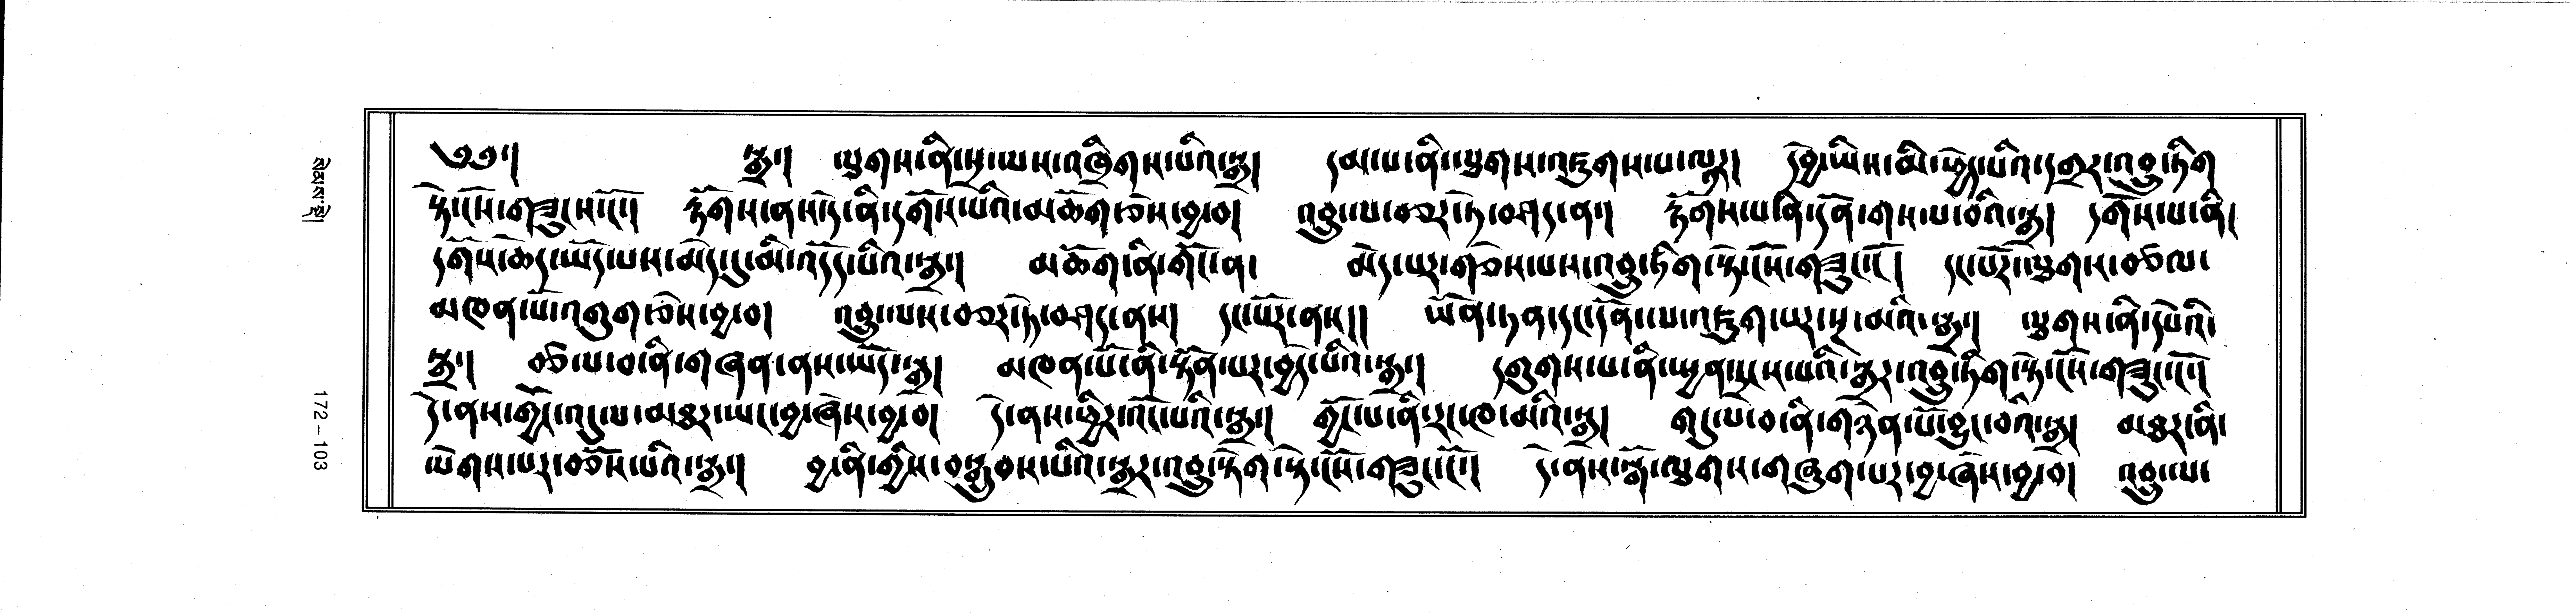སྒྲ། ལྕགས་ནི་སྲ་ལས་འཁྲིགས་པའི་སྒྲ། དམ་པ་ནི་ལྕགས་འཇུགས་པ་ལྟར། དབྱེ་ཡིས་མི་ཕྱེད་པའི་དགྲར་འབྲུ་ཏིག་
སྟེ་ངོས་གཟུངས་ངོ་། རྟོགས་ནས་དེ་ནི་དགོས་པའི་མཆོག་ཅེས་བྱ་བ། འབྲུ་ལ་བཅར་ཏེ་བཤད་ན། རྟོགས་པ་ནི་དོན་གསལ་བའི་སྒྲ། དགོས་པ་ནི། 
དགོས་ཆེད་ཡོད་པས་མེད་དུ་མི་འདོད་པའི་སྒྲ། མཆོག་ནི་གོང་ན། མེད་པར་གཅེས་པས་འབྲུ་ཏིག་སྟེ་ངོས་གཟུང་ངོ་། དང་པོར་ལྕགས་བཙལ་
མཁན་པོ་འགུག་ཅེས་བྱ་བ། འབྲུ་ལས་བཅར་ཏེ་བཤད་ནས། དང་པོར་ནས། ཡོན་ཏན་དང་དོན་ལ་འཇུག་པར་སྔ་མའི་སྨྲ། ལྕགས་ནི་དཔེའི་
སྒྲ། བཙལ་བ་ནི་གཞན་ནས་ཡོད་སྒྲ། མཁན་པོ་ནི་སྟོན་པར་བྱེད་པའི་སྒྲ། དགུགས་པ་ནི། སྤྱན་དྲངས་པའི་སྒྲར་འབྲུ་ཏིག་སྟེ་ངོས་གཟུང་ངོ་། 
དེ་ནས་གྱོང་འདུལ་མཐར་ཡང་བྱ་ཞེས་བྱ་བ། དེ་ནས་ཕྱིར་འོང་པའི་སྒྲ། གྱོང་པ་ནི་རང་ཁ་མའི་སྒྲ། གདུལ་བ་ནི་གཉེན་པོ་བྱུང་བའི་སྒྲ། མཐར་ནི་
ལེགས་པར་བཅོས་པའི་སྒྲ། བྱ་ནི་གྱིས་བསྒྲུབས་པའི་སྒྲར་འབྲུ་ཏིག་སྟེ་ངོས་གཟུང་ངོ་། དེ་ནས་སྒོ་ལྕགས་གཞུག་པར་བྱ་ཞེས་བྱ་བ། འབྲུ་ལ་